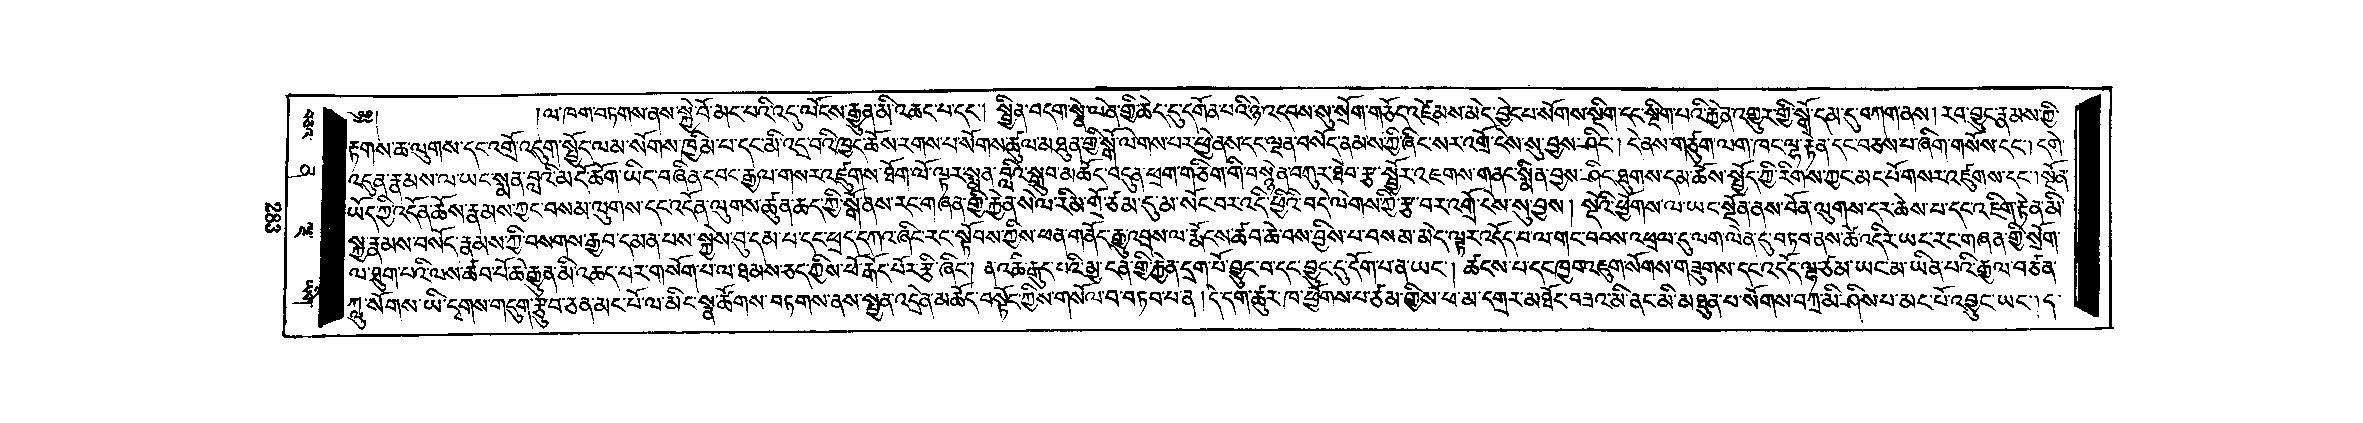༄༅། །ལ་ཁག་བཏགས་ནས་སྐྱེ་བོ་མང་པའི་འདུ་ལོངས་རྒྱུན་མི་འཆད་པ་དང་། སྦྱིན་བདག་སྣེ་ལེན་གྱི་ཆེད་དུ་དགོན་པའི་ཉེ་འདབས་སུ་སྲོག་གཅོད་འཛེམས་མེད་བྱེད་པ་སོགས་སྡིག་དང་སྡིག་པའི་རྐྱེན་འགྱུར་གྱི་སྒོ་དམ་དུ་བཀག་ནས། རབ་བྱུང་རྣམས་ཀྱི་
རྟགས་ཆ་ལུགས་དང་འགྲོ་འདུག་སྤྱོད་ལམ་སོགས་ཁྱིམ་པ་དང་མི་འདྲ་བའི་ཁྱད་ཆོས་རགས་པ་སོགས་ཚུལ་མཐུན་གྱི་སྒོ་ལེགས་པར་ཕྱེ་ནས་དང་ལྡན་བསོད་ནམས་ཀྱི་ཞིང་སར་འགྲོ་ངེས་སུ་བྱས་ཤིང་། དེ་ནས་གཙུག་ལག་ཁང་ལྷ་རྟེན་དང་བཅས་པ་ཞིག་གསོས་དང་། དགེ་
འདུན་རྣམས་ལ་ཡང་སྨན་བླའི་མདོ་ཆོག་ཡིད་བཞིན་དབང་རྒྱལ་གསར་འཛུགས་ཐོག་ལོ་ལྟར་སྨན་བླའི་སྒྲུབ་མཆོད་བདུན་ཕྲག་གཅིག་གི་བསྙེན་བཀུར་ཐེབ་རྩ་སྦྱོར་འཇགས་གནང་སྨིན་བྱས་ཤིང་ཐུགས་དམ་ཆོས་སྤྱོད་ཀྱི་རིགས་ཀྱང་མང་པོ་གསར་འཛུགས་དང་། སྔོན་
ཡོད་ཀྱི་འདོན་ཆོས་རྣམས་ཀྱང་བསམ་ལུགས་དང་འདོན་ལུགས་ཚུན་ཆད་ཀྱི་སྒོ་ནས་རང་གཞན་གྱི་རྐྱེན་སེལ་རིམ་གྲོ་ཙམ་དུ་མ་སོང་བར་འདི་ཕྱིའི་བདེ་ལེགས་ཀྱི་རྩ་བར་འགྲོ་ངེས་སུ་བྱས། སྡེའི་ཕྱོགས་ལ་ཡང་སྔོན་ནས་བོན་ལུགས་དར་ཆེས་པ་དང་འཇིག་རྟེན་མི་
སྐྱ་རྣམས་བསོད་རྣམས་ཀྱི་བསགས་རྒྱབ་དམན་པས་སྐྱེས་བུ་དམ་པ་དང་ཕྲད་དཀའ་ཞིང་རང་སྟོབས་ཀྱིས་ཕན་གནོད་རྒྱུ་འབྲས་ལ་རྨོངས་ཚབ་ཆེ་བས་བྱིས་པ་བསམ་མེད་ལྟར་འདོད་པ་ལ་གང་བབས་འཕྲལ་དུ་ལག་ལེན་དུ་བཏབ་ནས་ཚེ་འདིར་ཡང་རང་གཞན་གྱི་སྲོག་
ལ་ཐུག་པའི་ལས་ཚབ་པོ་ཆེ་རྒྱུན་མི་འཆད་པར་གསོག་པ་ལ་ཐམས་ཅད་ཀྱིས་ཕོ་རྒོད་པོར་རྩི་ཞིང་། ན་འཆི་རྒུད་པའི་མྱ་ངན་གྱི་རྐྱེན་དྲག་པོ་བྱུང་བ་དང་བྱུང་དུ་དོག་པ་ན་ཡང་། ཚངས་པ་དང་ཁྱབ་འཇུག་སོགས་གཟུགས་དང་འདོད་ལྷ་ཙམ་ཡང་མ་ཡིན་པའི་རྒྱལ་བཙན་
ཀླུ་སོགས་ཡི་དྭགས་གདུག་རྩུབ་ཅན་མང་པོ་ལ་མིང་སྣ་ཚོགས་བཏགས་ནས་སྤྱན་འདྲེན་མཆོད་བསྟོད་ཀྱིས་གསོལ་བ་བཏབ་པ་ན། དེ་དག་ཚུར་ཁ་ཕྱོགས་པ་ཙམ་གྱིས་ཕ་མ་དགྲར་མཐོང་བཟའ་མི་ནང་མི་མཐུན་པ་སོགས་བཀྲ་མི་ཤིས་པ་མང་པོ་འབྱུང་ཡང་། ད་